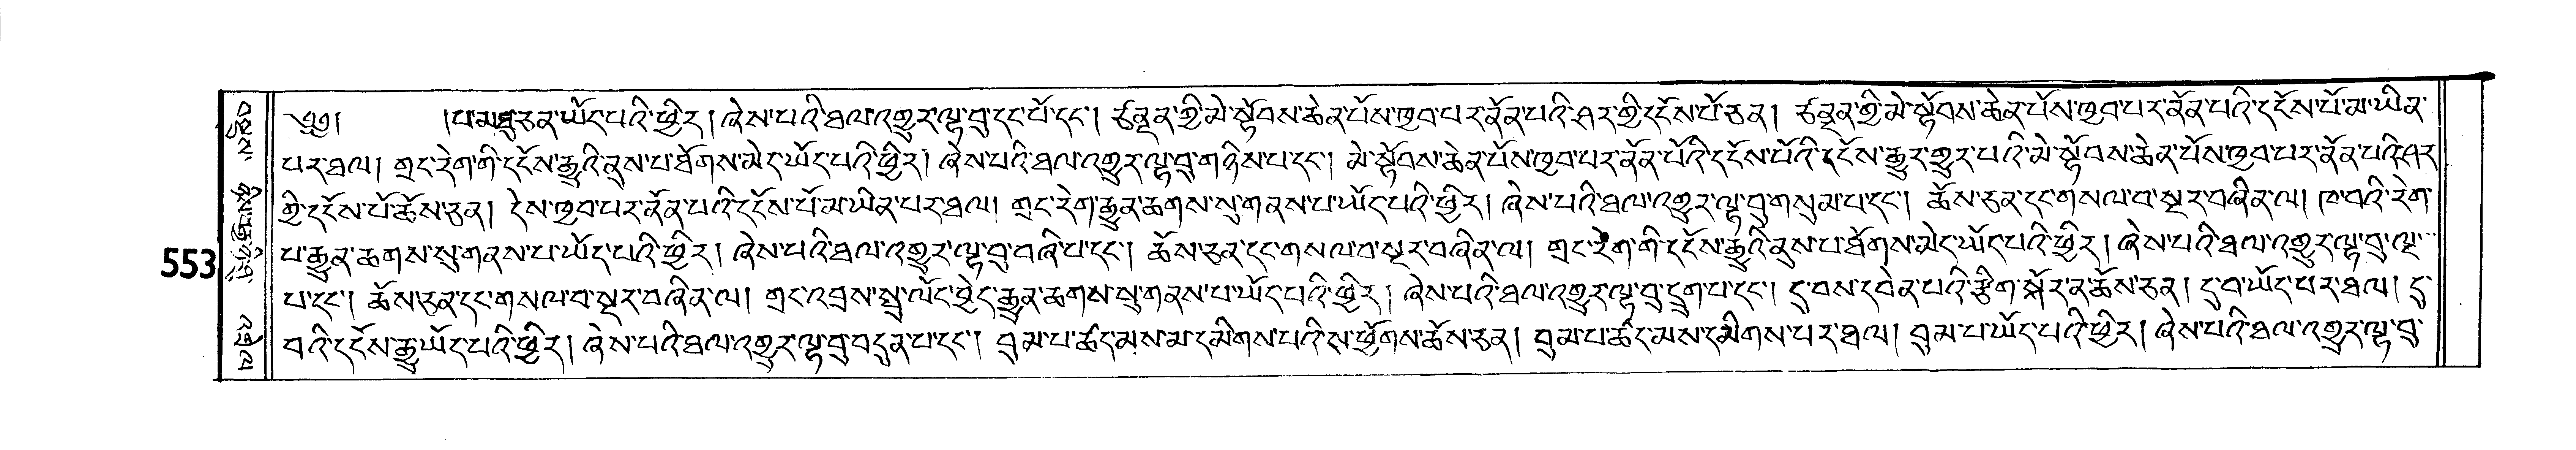༄༅། །པ་མཐུ་ཅན་ཡོད་པའི་ཕྱིར། ཞེས་པའི་ཐལ་འགྱུར་ལྟ་བུ་དང་པོ་དང་། ཙནྡན་གྱི་མེ་སྟོབས་ཆེན་པོས་ཁྱབ་པར་ནོན་པའི་ཤར་གྱི་དངོས་པོ་ཅན། ཙནྡན་གྱི་མེ་སྟོབས་ཆེན་པོས་ཁྱབ་པར་ནོན་པའི་དངོས་པོ་མ་ཡིན་
པར་ཐལ། གྲང་རེག་གི་དངོས་རྒྱུའི་ནུས་པ་ཐོགས་མེད་ཡོད་པའི་ཕྱིར། ཞེས་པའི་ཐལ་འགྱུར་ལྟ་བུ་གཉིས་པ་དང་། མེ་སྟོབས་ཆེན་པོས་ཁྱབ་པར་ནོན་པོའི་དངོས་པོའི་དངོས་རྒྱུར་གྱུར་པའི་མེ་སྟོབས་ཆེན་པོས་ཁྱབ་པར་ནོན་པའི་ཤར་
གྱི་དངོས་པོ་ཆོས་ཅན། དེས་ཁྱབ་པར་ནོན་པའི་དངོས་པོ་མ་ཡིན་པར་ཐལ། གྲང་རེག་རྒྱུན་ཆགས་སུ་གནས་པ་ཡོད་པའི་ཕྱིར། ཞེས་པའི་ཐལ་འགྱུར་ལྟ་བུ་གསུམ་པ་དང་། ཆོས་ཅན་དང་གསལ་བ་སྔར་བཞིན་ལ། ཁ་བའི་རེག་
པ་རྒྱུན་ཆགས་སུ་གནས་པ་ཡོད་པའི་ཕྱིར། ཞེས་པའི་ཐལ་འགྱུར་ལྟ་བུ་བཞི་པ་དང་། ཆོས་ཅན་དང་གསལ་བ་སྔར་བཞིན་ལ། གྲང་རེག་གི་དངོས་རྒྱུའི་ནུས་པ་ཐོགས་མེད་ཡོད་པའི་ཕྱིར། ཞེས་པའི་ཐལ་འགྱུར་ལྟ་བུ་ལྔ་
པ་དང་། ཆོས་ཅན་དང་གསལ་བ་སྔར་བཞིན་ལ། གྲང་འབྲས་སྤྲ་ལོང་བྱེད་རྒྱུན་ཆགས་སུ་གནས་པ་ཡོད་པའི་ཕྱིར། ཞེས་པའི་ཐལ་འགྱུར་ལྟ་བུ་དྲུག་པ་དང་། དུ་བས་དབེན་པའི་རྩིག་སྐོར་ན་ཆོས་ཅན། དུ་བ་ཡོད་པར་ཐལ། དུ་
བའི་དངོས་རྒྱུ་ཡོད་པའི་ཕྱིར། ཞེས་པའི་ཐལ་འགྱུར་ལྟ་བུ་བདུན་པ་དང་། བུམ་པ་ཚད་མས་མ་དམིགས་པའི་ས་ཕྱོགས་ཆོས་ཅན། བུམ་པ་ཚད་མས་དམིགས་པར་ཐལ། བུམ་པ་ཡོད་པའི་ཕྱིར། ཞེས་པའི་ཐལ་འགྱུར་ལྟ་བུ་